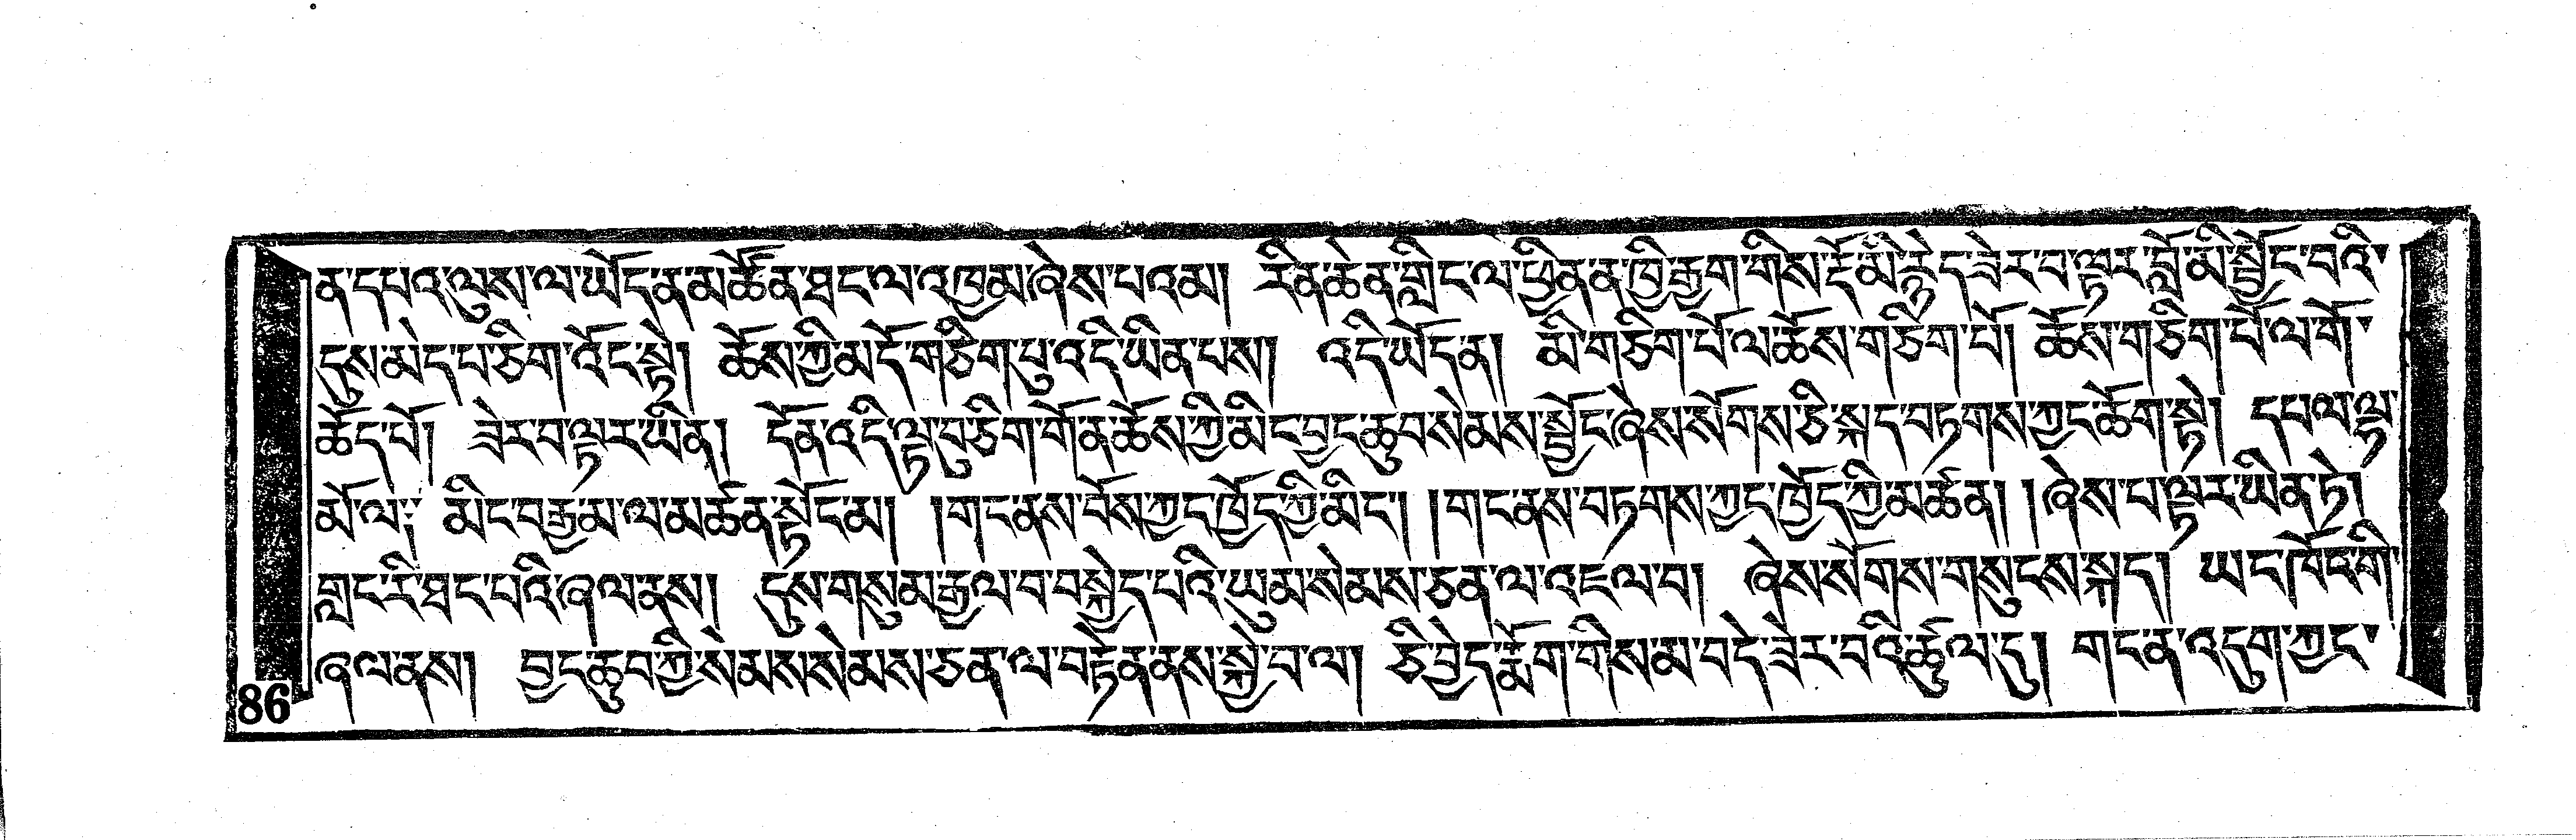ན་དཔའ་ལུས་ལ་ཡོད་ན་མཚོན་ཐང་ལ་འཁྱམ་ཞེས་པའམ། རིན་ཆེན་གླིང་ལ་ཕྱིན་ན་ཁྱི་རྒྱག་གིས་རྡོ་མི་རྙེད་ཟེར་བ་ལྟར་བློ་མི་སྦྱོང་བའི་
དུས་མེད་པ་ཅིག་འོང་སྟེ། ཆོས་ཀྱི་མདོ་གཅིག་པུ་འདི་ཡིན་པས། འདི་ཡོད་ན། མི་གཅིག་པོ་ལ་ཆོས་གཅིག་པོ། ཆོས་གཅིག་པོ་ལ་གོ་
ཆོད་པོ། ཟེར་བ་ལྟར་ཡིན། དོན་འདི་ལྟ་བུ་ཅིག་གོ་ན་ཆོས་ཀྱི་མིང་བྱང་ཆུབ་སེམས་སྦྱོང་ཞེས་སོགས་ཅི་སྐད་བཏགས་ཀྱང་ཆོག་སྟེ། དཔལ་ལྷ་
མོ་ལ༑ མིང་བརྒྱ་མ་ལ་མཚན་སྟོང་མ། །གང་ནས་བོས་ཀྱང་ཁྱོད་ཀྱི་མིང་། །གང་ནས་བཏགས་ཀྱང་ཁྱོད་ཀྱི་མཚན། །ཞེས་པ་ལྟར་ཡིན་ཏེ།
གླང་རི་ཐང་པའི་ཞལ་ནས། དུས་གསུམ་རྒྱལ་བ་བསྐྱེད་པའི་ཡུམ་སེམས་ཅན་ལ་འཇལ་བ། ཞེས་སོགས་གསུངས་སྐད། ཡང་ཁོང་གི་
ཞལ་ནས། བྱང་ཆུབ་ཀྱི་སེམས་སེམས་ཅན་ལ་བརྟེན་ནས་སྐྱེ་བ་ལ། ཅི་བྱེད་རྨོག་གིས་མ་བདེ་ཟེར་བའི་ཚུལ་དུ། གང་ན་འདུག་ཀྱང་